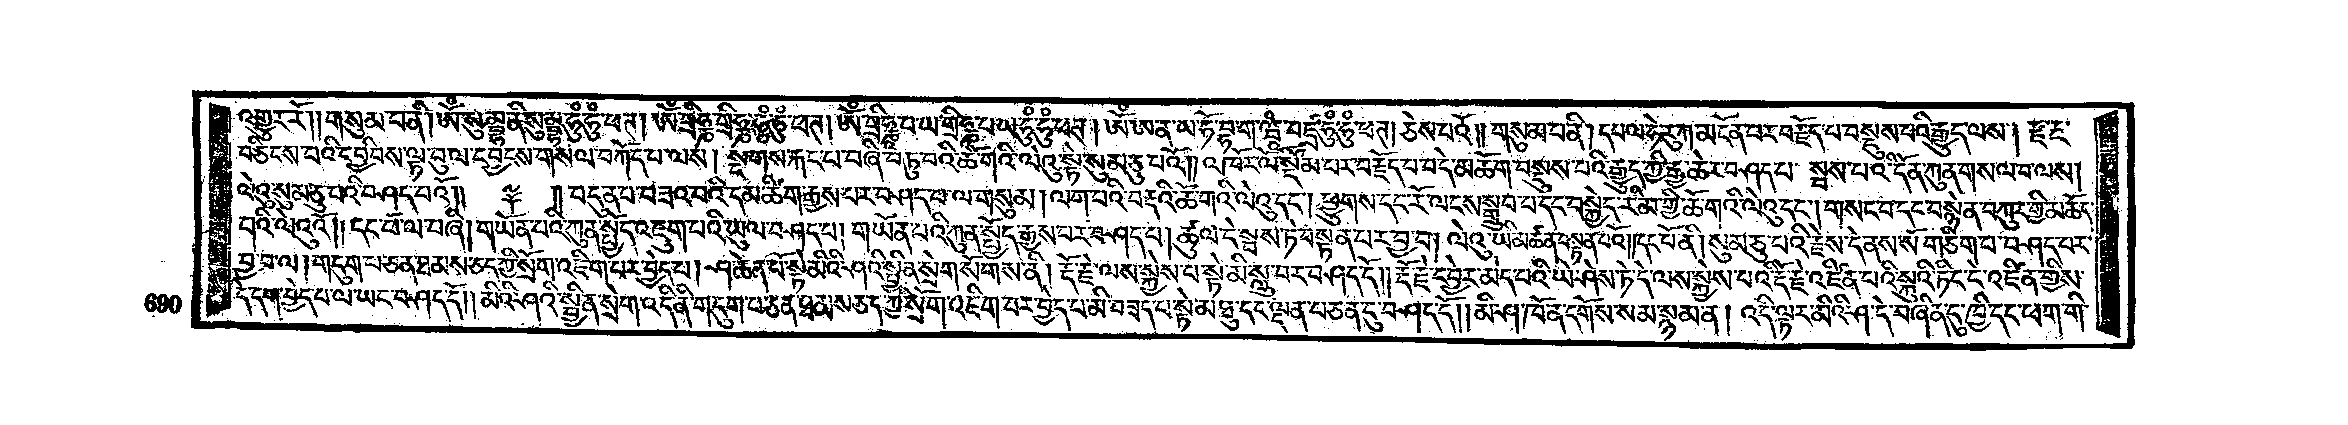འགྱུར་རོ། །གསུམ་པ་ནི། ཨོཾ་སུམྦྷ་ནི་སུམྦྷ་ཧུཾ་ཧུཾ་ཕཊ། ཨོཾ་གྲིཧྞ་གྲིཧྞ་ཧུཾ་ཧུཾ་ཕཊ། ཨོཾ་གྲིཧྞཱ་པ་ཡ་གྲིཧྞཱ་པ་ཡ་ཧུཾ་ཧུཾ་ཕཊ། ཨོཾ་ཨ་ན་ཡ་ཧོ་བྷ་ག་ཝཱཾ་བཛྲ་ཧུཾ་ཧུཾ་ཕཊ། ཅེས་པའོ། །གསུམ་པ་ནི། དཔལ་ཧེ་རུ་ཀ་མངོན་པར་བརྗོད་པ་བསྡུས་པའི་རྒྱུད་ལས། རྫ་རྔ་
བཅིངས་པའི་དབྱིབས་ལྟ་བུ་ལ་དབྱངས་གསལ་བཀོད་པ་ལས། སྔགས་རྐང་པ་བཞི་བཏུ་བའི་ཆོ་གའི་ལེའུ་སྟེ་སུམ་ཅུ་པའོ། །འཁོར་ལོ་སྡོམ་པར་བརྗོད་པ་བདེ་མཆོག་བསྡུས་པའི་རྒྱུད་ཀྱི་རྒྱ་ཆེར་བཤད་པ་སྦས་པའི་དོན་ཀུན་གསལ་བ་ལས།
ལེའུ་སུམ་ཅུ་པའི་བཤད་པའོ།། ༈ །།བདུན་པ་བཟའ་བའི་དམ་ཚིག་རྒྱས་པར་བཤད་པ་ལ་གསུམ། ལག་པའི་བརྡའི་ཆོ་གའི་ལེའུ་དང་། ཕྱུགས་དང་རོ་ལངས་སྒྲུབ་པ་དང་བསྐྱེད་རིམ་གྱི་ཆོ་གའི་ལེའུ་དང་། གསང་བ་དང་བསྙེན་བཀུར་གྱི་མཆོད་
པའི་ལེའུའོ། །དང་པོ་ལ་བཞི། གཡོན་པའི་ཀུན་སྤྱོད་འཇུག་པའི་ཡུལ་བཤད་པ། གཡོན་པའི་ཀུན་སྤྱོད་རྒྱས་པར་བཤད་པ། ཚུལ་དེ་སྦས་ཏེ་བསྟན་པར་བྱ་བ། ལེའུ་ཡི་མཚན་བསྟན་པའོ། །དང་པོ་ནི། སུམ་ཅུ་པའི་རྗེས་དེ་ནས་སོ་གཅིག་པ་བཤད་པར་
བྱ་བ་ལ། གདུག་པ་ཅན་ཐམས་ཅད་ཀྱི་སྲོག་འཇིག་པར་བྱེད་པ། ཤ་ཆེན་པོ་སྟེ་མིའི་ཤའི་སྦྱིན་སྲེག་སོགས་ནི། རྡོ་རྗེ་ལས་སྐྱེས་པ་སྟེ་མི་སླུ་བར་བཤད་དོ། །རྡོ་རྗེ་དབྱེར་མེད་པའི་ཡེ་ཤེས་ཏེ་དེ་ལས་སྐྱེས་པའི་རྡོ་རྗེ་འཛིན་པའི་སྐུའི་ཏིང་ངེ་འཛིན་གྱིས་
དེ་དག་བྱེད་པ་ལ་ཡང་བཤད་དོ། །མིའི་ཤའི་སྦྱིན་སྲེག་འདི་ནི་གདུག་པ་ཅན་ཐམས་ཅད་ཀྱི་སྲོག་འཇིག་པར་བྱེད་པ་མི་བཟད་པ་སྟེ་མཐུ་དང་ལྡན་པ་ཅན་དུ་བཤད་དོ། །མི་ཤ་ཁོ་ན་དགོས་སམ་སྙམ་ན། འདི་ལྟར་མིའི་ཤ་དེ་བཞིན་དུ་ཁྱི་དང་ཕག་གི་